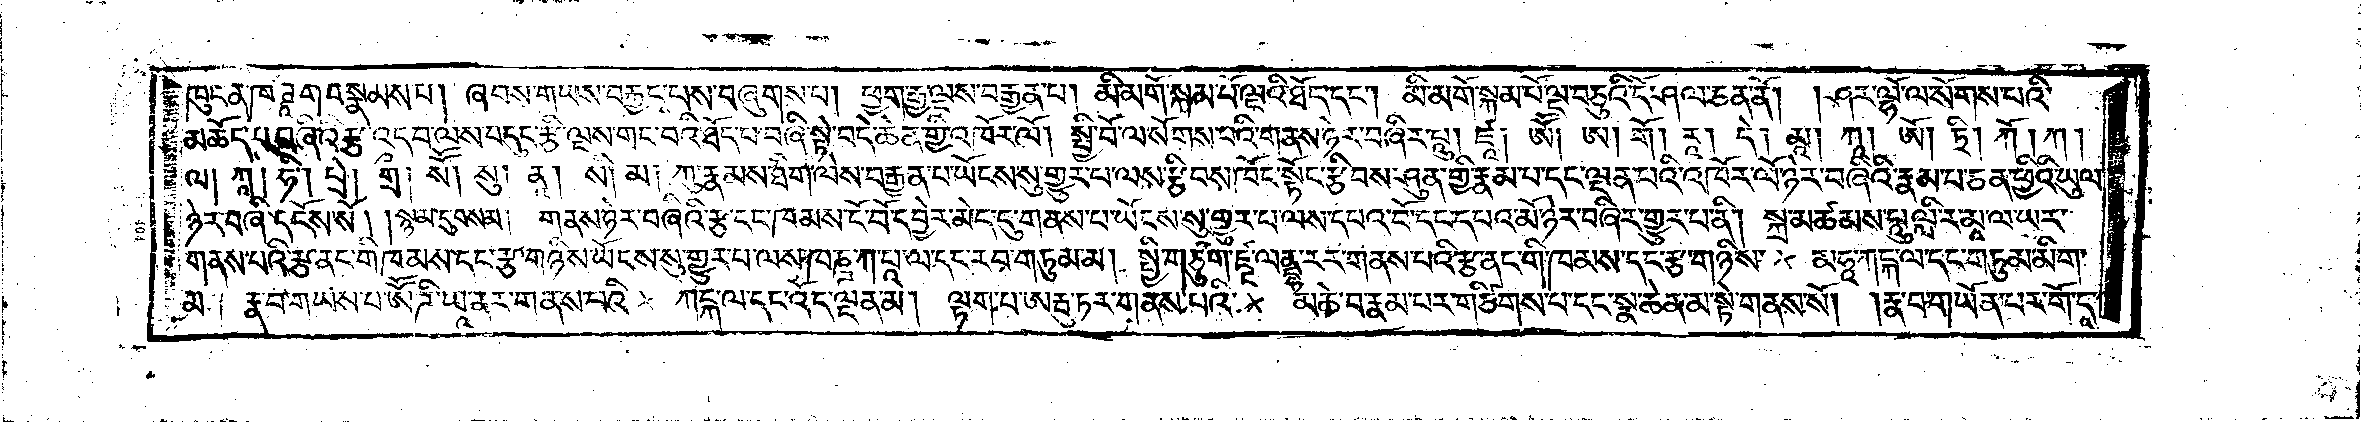ཁུང་ན་ཁཊཱ་ག་བསྣམས་པ། ཞབས་གཡས་བརྒྱངས་པས་བཞུགས་པ། ཕྱག་རྒྱ་ལྔས་བརྒྱན་པ། མི་མགོ་སྐམ་པོ་ལྔའི་ཐོད་དང་། མི་མགོ་སྐམ་པོ་ལྔ་བཅུའི་དོ་ཤལ་ཅན་ནོ། །ཤར་ལྷོ་ལ་སོགས་པའི་
མཆོད་པ་བཞིའི་རྩ་འདབ་ལས་བདུད་རྩི་ལྔས་གང་བའི་ཐོད་པ་བཞི་སྟེ་བདེ་ཆེན་གྱི་འཁོར་ལོ། སྤྱི་བོ་ལ་སོགས་པའི་གནས་ཉེར་བཞིར་པཱུ། ཛཱ༑ ཨཽ། ཨ། གོ། རཱ། དེ། མཱ། ཀཱ། ཨོ། ཏྲི། ཀོ། ཀ།
ལ། ཀླ། ཧི། པྲེ། གྲྀ། སཽ། སུ། ནཱ། སི། མ༑ ཀུ་རྣམས་ཐིག་ལེས་བརྒྱན་པ་ཡོངས་སུ་གྱུར་པ་ལས་རྩིབས་ཁོང་སྟོང་རྩིབས་ཤུན་གྱི་རྣམ་པ་དང་ལྡན་པའི་འཁོར་ལོ་ཉེར་བཞིའི་རྣམ་པ་ཅན་ཕྱིའི་ཡུལ་
ཉེར་བཞི་དངོས་སོ། །སྙམ་དྲ་བསམ༑  གནས་ཉེར་བཞིའི་རྩ་དང་ཁམས་ངོ་བོ་དབྱེར་མེད་དུ་གནས་པ་ཡོངས་སུ་གྱུར་པ་ལས་དཔའ་བོ་དང་དཔའ་མོ་ཉེར་བཞིར་གྱུར་པ་ནི། སྐྲ་མཚམས་པཱུལླི་ར་མཱ་ལ་ཡར་
གནས་པའི་རྩ་ནང་གི་ཁམས་དང་རྩ་གཉིས་ཡོངས་སུ་གྱུར་པ་ལས་ཁཎྜ་ཀ་པཱ་ལ་དང་རབ་གཏུམ་མ། སྤྱི་གཙུག་ཛྔ་ལནྡྷ་རར་གནས་པའི་རྩ་ནང་གི་ཁམས་དང་རྩ་གཉིས་྾་མཧཱ་ཀངྐ་ལ་དང་མྟུམ་མིག་
མ། རྣ་བ་གཡས་པ་ཨཽ་ཌི་ཡཱ་ནར་གནས་པའི་྾་ཀངྐ་ལ་དང་འོད་ལྡན་མ། ལྟག་པ་ཨརྦུ་ཏར་གནས་པའི་྾་མཆེ་བ་རྣམ་པར་གཙིགས་པ་དང་སྣ་ཆེན་མ་སྟེ་གནས་སོ། །རྣ་བ་གཡོན་པར་གོ་དཱ་